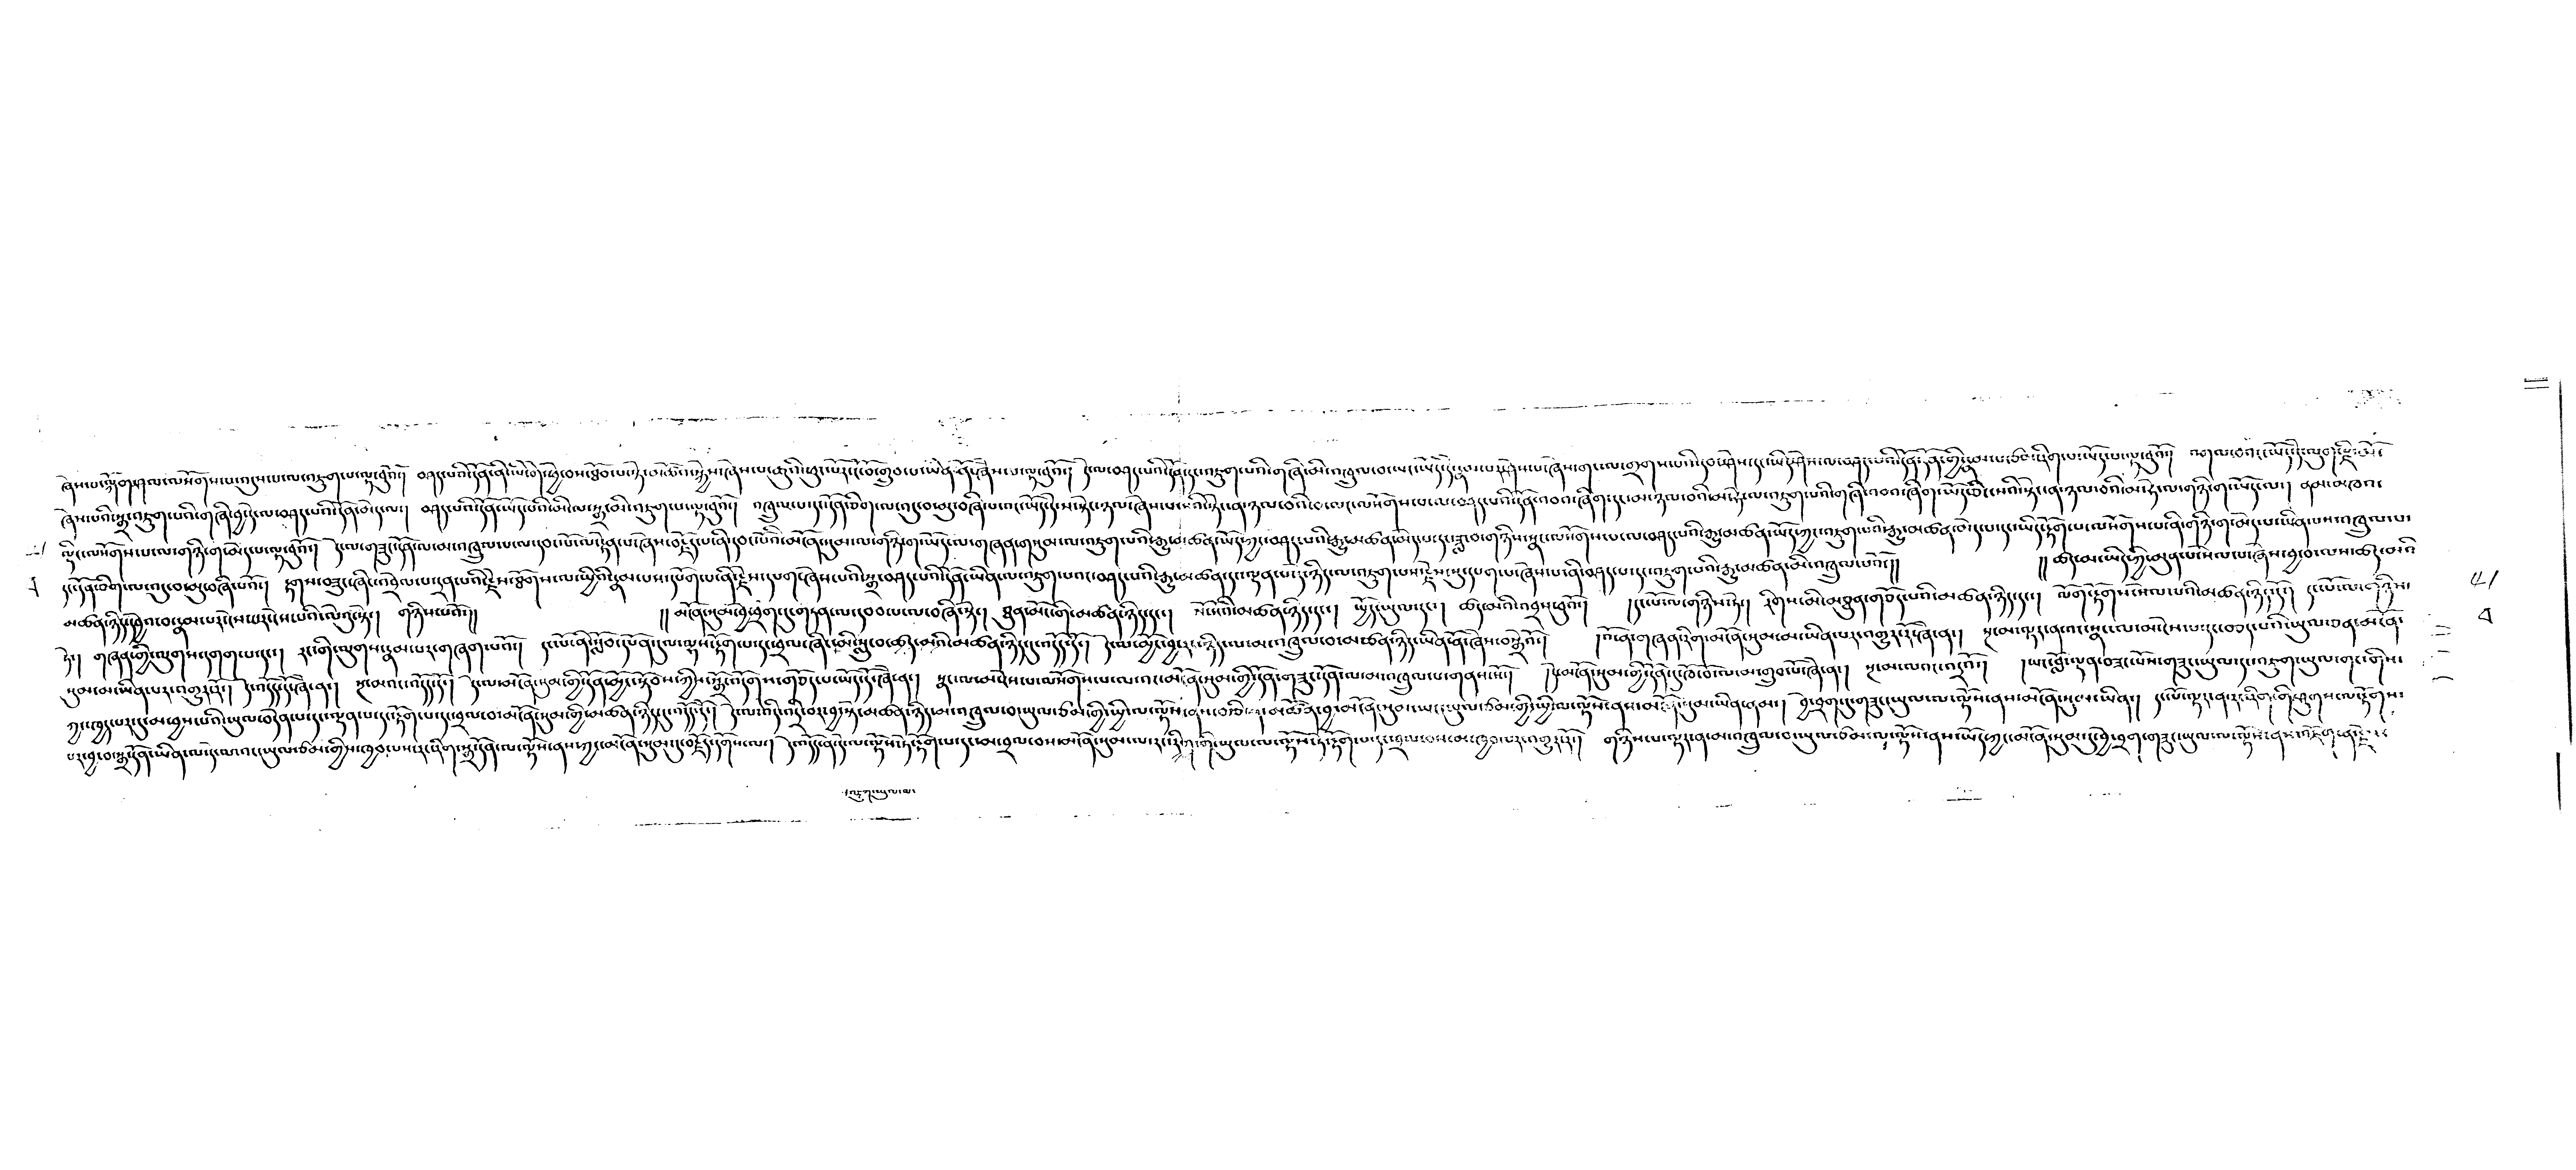ཞེས་པ་ལྐོག་ཤལ་ལ་སོགས་པ་འདུས་པ་ལ་འཇུག་པ་ལྟ་བུའོ། བཤད་པའི་དོན་ནི་ཡི་གེ་ཕྱེ་བས་ཐོབ་པ་སྟེ་མཚོའི་སྐྱེས་ཞེས་པ་ཆུའི་ཕུང་པོར་ངོ་བོ་གྲུབ་པ་ཡིན་ནོ་ཞེས་པ་ལྟ་བུའོ། དེ་ལ་བཤད་པའི་དོན་དང་འཇུག་པའི་གཞི་མི་འཁྲུལ་བ་ཡང་ཡོད་དེ་རྣམ་པར་ཤེས་པ་ཞེས་གང་ལ་གྲགས་པའི་དབང་ཤེས་དང་ཡིད་ཤེས་ལ་བཤད་པའི་དོན་དོན?་གྱི་རྣམ་པ་ཙམ་རིག་པ་ཡོད་པ་ལྟ་བུའོ། འགལ་བའང་ཡོད་དེ་ལུག་རྫི་མོ་
ཞེས་པའི་སྒྲ་འཇུག་པའི་གཞི་བྱ་དེ་ལ་བཤད་པའི་དོན་མེད་ལ། བཤད་པའི་དོན་ཡོད་པའི་མི་ལ་སྒྲ་མི་འཇུག་པ་ལྟ་བུའོ། འཁྲུལ་པ་དང་དོན་ཅིག་ལ་འདུ་བ་མུ་བཞི་པ་འང་ཡོད་དེ་ས་སྟེང་ཉལ་ཞེས་པ་སའི་སྟེང་ན་ཉལ་བའི་བ་ལང་ལ་སོགས་པ་ལ་བཤད་པའི་དོན་འབའ་ཞིག་དང་མ་ཉལ་བའི་མ་ཧེ་ལ་འཇུག་པའི་གཞི་འབའ་ཞིག་ཡོད་ཅིང་སའི་སྟེང་ན་ཉལ་བའི་མ་ཧེ་ལ་གཉི་ག་ཡོད་ལ། ནམ་མཁའ་
ལྡིང་ལ་སོགས་པ་ལ་གཉི་ག་མེད་པ་ལྟ་བུའོ། དེ་ལ་གཟུང་དོན་ལ་མ་འཁྲུལ་པ་ལ་དབང་པོ་ལ་རྟེན་པ་ཞེས་བརྗོད་པ་ནི་དབང་པོའི་མངོན་སུམ་ལ་གཉི་ག་ཡོད་ལ་གཞན་གསུམ་ལ་འཇུག་པའི་རྒྱུ་མཚན་ཡོད་ཀྱང་བཤད་པའི་རྒྱུ་མཚན་མེད་པ་དང་ཟླ་བ་གཉིས་སྣང་ལ་སོགས་པ་ལ་བཤད་པའི་རྒྱུ་མཚན་ཡོད་ཀྱང་འཇུག་པའི་རྒྱུ་མཚན་མེད་པ་དང་ཡིད་རྟོག་པ་ལ་སོགས་པ་ནི་གཉི་ག་མེད་པ་ཡིན་པས་འཁྲུལ་པ་
དང་དོན་ཅིག་ལ་འདུ་བ་མུ་བཞི་པའོ། རྟགས་བཟུང་ཞིང་འབྲེལ་པ་དྲན་པའི་རྗེས་ཐོགས་ལ་སྤྱིའི་རྣམ་པས་དཔོག་པ་ནི་རྗེས་དཔག་ཞེས་པའི་སྒྲ་བཤད་པའི་དོན་ཡིན་ལ་འཇུག་པའང་བཤད་པའི་རྒྱུ་མཚན་དང་ལྡན་པ་དེ་ཉིད་ལ་འཇུག་པས་རྗེས་སུ་དཔག་པ་ཞེས་པ་ནི་བཤད་པ་དང་འཇུག་པའི་རྒྱུ་མཚན་མི་འཁྲུལ་པའོ།། །།ཚད་མ་ཡིད་ཀྱི་མུན་པ་སེལ་པ་ཞེས་བྱ་བ་ལས་ཚད་མའི་
མཚན་ཉིད་དབྱེ?་བ་རྣམ་པར་ངེས་པར་ངེས་པའི་ལེའུ་སྟེ། གཉིས་པའོ།། །།མངོན་སུམ་བྱེ་བྲག་དུ་གཏན་ལ་དབབ་པ་ལ་བཞི་སྟེ། ཐུན་མོང་གི་མཚན་ཉིད་དང་། སོ་སོའི་མཚན་ཉིད་དང་། སྤྱོད་ཡུལ་དང་། ཚད་མའི་འབྲས་བུའོ། །དང་པོ་ལ་གཉིས་ཏེ། རིགས་མི་མཐུན་གཅོད་པའི་མཚན་ཉིད་དང་། ལོག་རྟོགས་སེལ་པའི་མཚན་ཉིད་དོ། དང་པོ་ལ་གཉིས་
ཏེ། གཞན་གྱི་ལུགས་དགག་པ་དང་། རང་གི་ལུགས་རྣམ་པར་གཞག་པའོ། དང་པོ་ནི་སློབ་དཔོན་དུལ་ལྷས་རྟོག་པ་དང་བྲལ་ཞིང་མི་སླུ་བ་ཚད་མའི་མཚན་ཉིད་དུ་འདོད་དོ། དེ་ལ་མྱོང་བྱ་རང་ཉིད་ལ་མ་འཁྲུལ་བ་མཚན་ཉིད་ཡིན་ནོ་ཞེས་བསྒྲེའོ། །འོ་ན་གཞན་རིག་མངོན་སུམ་མ་ཡིན་པར་འགྱུར་རོ་ཞེ་ན། སྔ་མ་ལྟར་ན་འང་སྣང་ལ་མ་ངེས་པ་དང་བཅད་པའི་ཡུལ་ཅན་མངོན་
སུམ་མ་ཡིན་པར་འགྱུར་རོ། དེ་འདོད་དོ་ཞེ་ན། སྔ་མའང་འདོད་དོ། དེ་ལ་མངོན་སུམ་གྱི་དོན་མྱོང་སྟོབས་ཀྱིས་སྒྲོ་འདོགས་གཅོད་པ་ཡོད་དོ་ཞེ་ན། སྣང་བའམ་ངེས་པ་ལ་སོགས་པ་ལ་འང་མངོན་སུམ་གྱི་དོན་གཟུང་དོན་ལ་མ་འཁྲུལ་པ་གནས་སོ། །དེ་མངོན་སུམ་གྱི་དོན་དུ་ཁོ་བོ་ལ་མ་གྲུབ་པོ་ཞེ་ན། སྔ་མ་ལའང་འདྲའོ། །ཡང་བློ་ལྡན་བཟང་པོས་གཟུང་ཡུལ་དང་འཇུག་ཡུལ་གང་གིས་
ཀྱང་ཁྱད་པར་དུ་མ་བྱས་པའི་ཡུལ་བདེན་པ་དང་ལྡན་པ་དང་རྟོག་པ་དང་བྲལ་བ་མངོན་སུམ་གྱི་མཚན་ཉིད་དུ་འདོད་དོ། དེ་ལ་འདི་འདྲི་བར་བྱ་སྟེ་མཚན་ཉིད་མ་འཁྲུལ་བ་ཡུལ་ཙམ་གྱི་སྤྱི་ལ་ལྟོས་ནས་བརྩི་ན་མཚོན་བྱ་མངོན་སུམ་ཡང་ཡུལ་ཙམ་གྱི་སྤྱི་ལ་ལྟོས་ནས་མངོན་སུམ་ཡིན་ནམ། བྱེ་བྲག་དུ་གཟུང་ཡུལ་ལ་ལྟོས་ནས་མངོན་སུམ་ཡིན། དང་པོ་ལྟར་ན་རང་རིག་གི་ཤུགས་ལ་རྟོགས་
པར་བྱ་བ་སྒྲ་དོན་ཡིན་ལ་དེ་ལ་འང་ཡུལ་ཙམ་གྱིས་ཁྱབ་པས་རང་རིག་སྒྲ་དོན་ལ་ལྟོས་ནས་ཀྱང་མངོན་སུམ་དུ་བརྗོད་དགོས་ལ། དེ་འདོད་ན་དེ་ལ་ལྟོས་ཏེ་རྟོག་པ་དང་མ་བྲལ་བས་མངོན་སུམ་ལ་རང་རིག་གི་ཡུལ་ལ་ལྟོས་ཏེ་རྟོག་པ་དང་བྲལ་བས་མ་ཁྱབ་པར་འགྱུར་རོ། གཉིས་པ་ལྟར་ན་མ་འཁྲུལ་བ་ཡུལ་ཙམ་ལ་ལྟོས་ནས་ཡོད་ཀྱང་མངོན་སུམ་དུ་བྱེ་བྲག་གཟུང་ཡུལ་ལ་ལྟོས་ནས་འཇོག་ན་རྗེས་